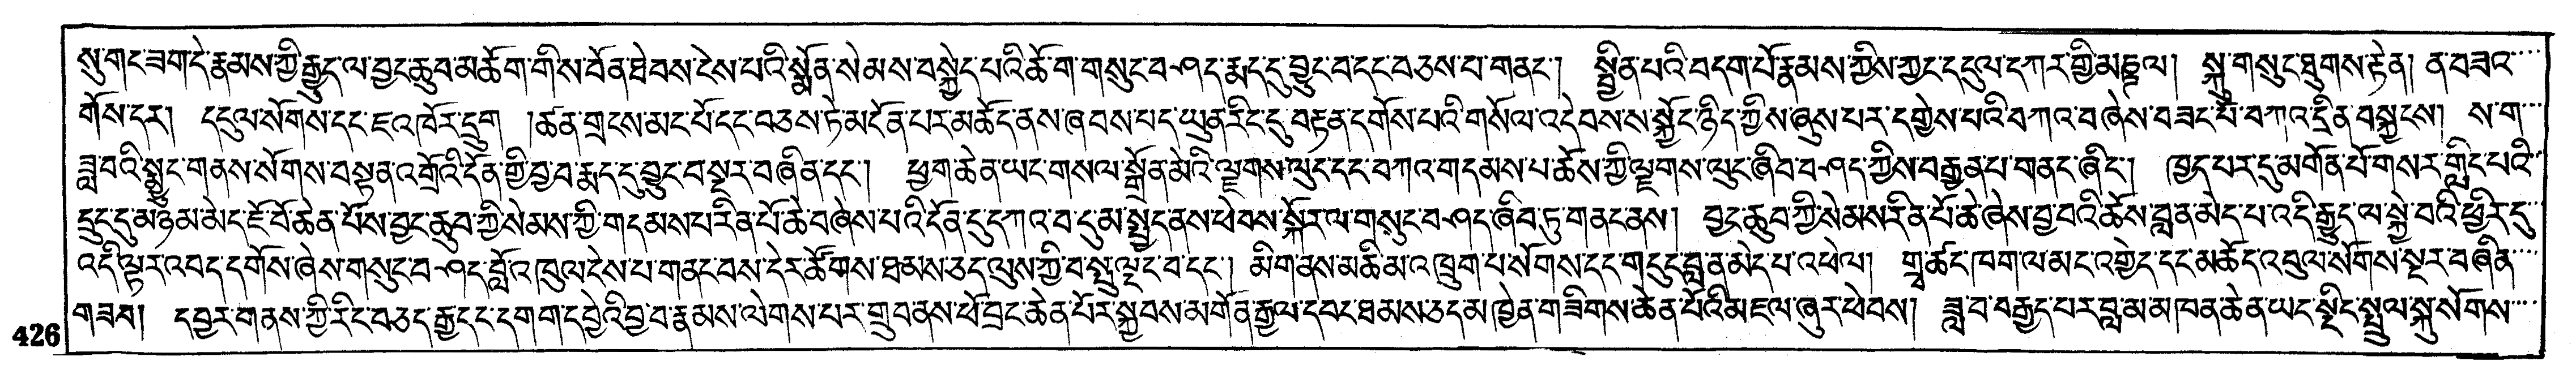སུ་གང་ཟག་དེ་རྣམས་ཀྱི་རྒྱུད་ལ་བྱང་ཆུབ་མཆོག་གིས་བོན་ཐེབས་ངེས་པའི་སྨོན་སེམས་བསྐྱེད་པའི་ཆོག་གསུང་བཤད་རྨད་དུ་བྱུང་བ་དང་བཅས་པ་གནང་། སྦྱིན་པའི་བདག་པོ་རྣམས་ཀྱིས་ཀྱང་དངུལ་དཀར་གྱི་མཎྜལ། སྐུ་གསུང་ཐུགས་རྟེན། ན་བཟའ་
གོས་དར། དངུལ་སོགས་དང་ཇ་འཁོར་དྲུག །ཚན་གྲངས་མང་པོ་དང་བཅས་ཏེ་མངོན་པར་མཆོད་ནས་ཞབས་པད་ཡུན་རིང་དུ་བརྟན་དགོས་པའི་གསོལ་འདེབས་ས་སྐྱོང་ཉིད་ཀྱིས་ཞུས་པར་དགྱེས་པའི་བཀའ་བཞེས་བཟང་པོ་བཀའ་དྲིན་བསྐྱངས། ས་ག་
ཟླ་བའི་སྨྱུང་གནས་སོགས་བསྟན་འགྲོའི་དོན་གྱི་བྱ་བ་རྨད་དུ་བྱུང་བ་སྔར་བཞིན་དང་། ཕྱག་ཆེན་ཡང་གསལ་སྒྲོན་མེའི་ལྗགས་ལུང་དང་བཀའ་གདམས་ཕ་ཆོས་ཀྱི་ལྗགས་ལུང་ཞིབ་བཤད་ཀྱིས་བརྒྱན་པ་གནང་ཞིང་། ཁྱད་པར་དུ་མགོན་པོ་གསེར་གླིང་པའི་
དྲུང་དུ་མཉམ་མེད་ཇོ་བོ་ཆེན་པོས་བྱང་ཆུབ་ཀྱི་སེམས་ཀྱི་གདམས་པ་རིན་པོ་ཆེ་བཞེས་བའི་དོན་དུ་དཀའ་བ་དུ་མ་སྤྱད་ནས་ཕེབས་སྐོར་ལ་གསུང་བཤད་ཞིབ་ཏུ་གནང་ནས། བྱང་ཆུབ་ཀྱི་སེམས་རིན་པོ་ཆེ་ཞེས་བྱ་བའི་ཆོས་བླ་ན་མེད་པ་འདི་རྒྱུད་ལ་སྐྱེ་བའི་ཕྱིར་དུ་
འདི་ལྟར་འབད་དགོས་ཞེས་གསུང་བཤད་བློ་འཁྲུལ་ངེས་པ་གནང་བས་དེར་ཚོགས་ཐམས་ཅད་ལུས་ཀྱི་བ་སྤུ་ལྡང་བ་དང་། མིག་ནས་མཆི་མ་འཁྲུག་བ་སོགས་དད་གདུད་བླ་ན་མེད་པ་འཕེལ། གྲ་ཚང་ཁག་ལ་མང་འགྱེད་དང་མཆོད་འབུལ་སོགས་སྔར་བཞིན་
གནང་། དབྱར་གནས་ཀྱི་རིང་བཅད་རྒྱ་དང་དགག་དབྱེའི་བྱ་བ་རྣམས་ལེགས་པར་གྲུབ་ནས་ཕོ་བྲང་ཆེན་པོར་སྐྱབས་མགོན་རྒྱལ་དབང་ཐམས་ཅད་མཁྱེན་གཟིགས་ཆེན་པོའི་མཇལ་ཞུར་ཕེབས། ཟླ་བ་བརྒྱད་པར་བླ་མ་མཁན་ཆེན་ཡང་སྡིང་སྤྲུལ་སྐུ་སོགས་